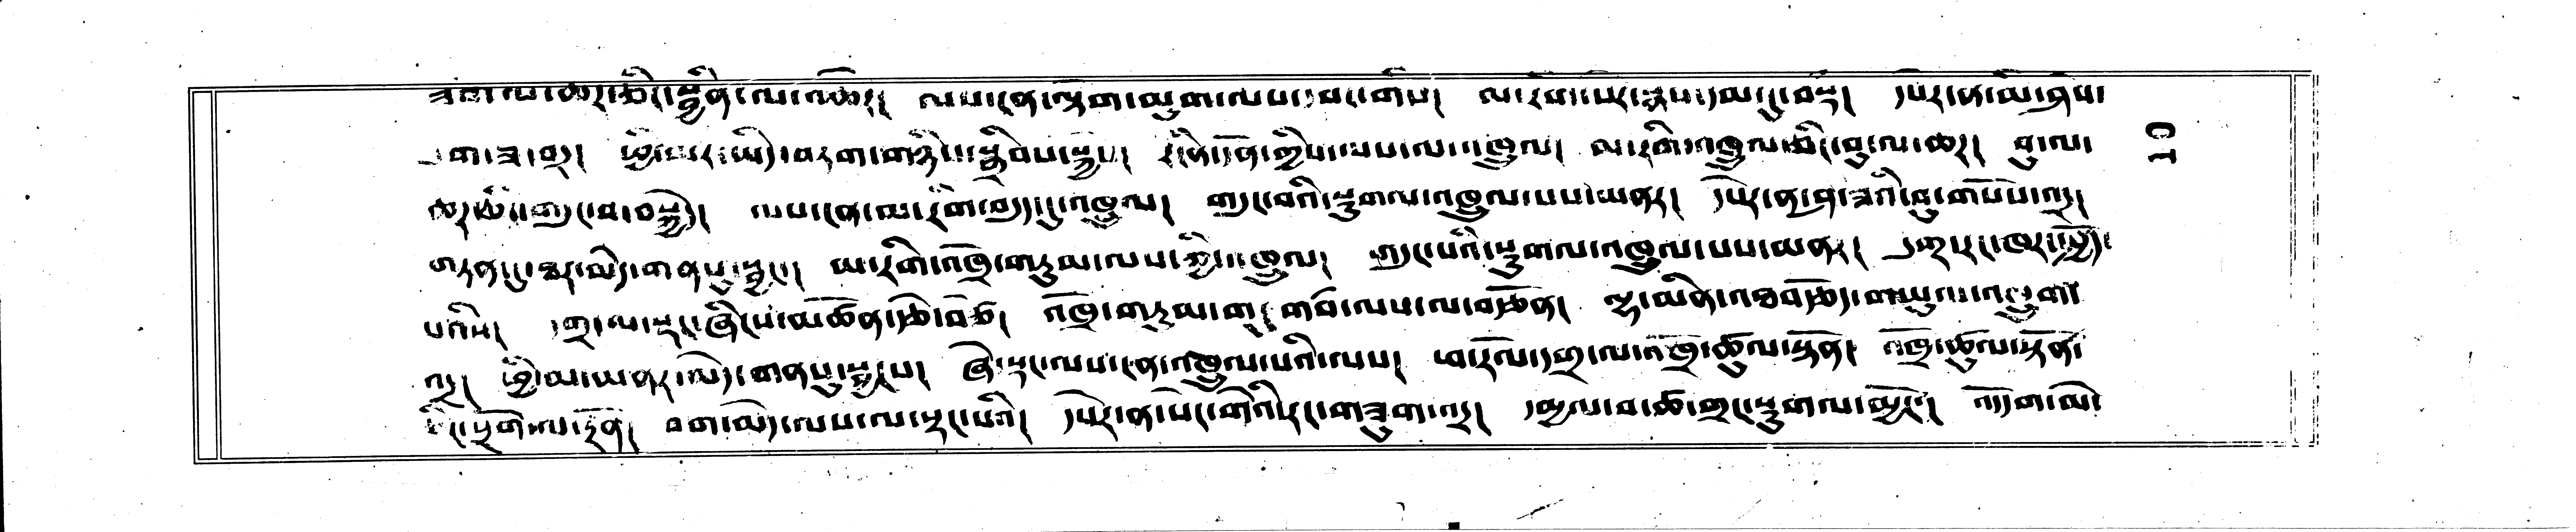ཟས་ལ་ཆགས་ཤིང་སྦྱིན་ལ་འཚེར། ལས་ངན་གཏི་མུག་ལས་དབང་གིས། མ་རིག་སེར་སྣས་དམ་དུ་བསྡམས། དཔེར་ན་མི་ཤེས་
དུག་ཟ་འདྲ། ཕྱི་མར་ཡི་བཏགས་གཉིས་སྒྲིབ་སྦྱང་། རང་བཞིན་དོན་གྱིས་ལས་ལ་འཁྲུལ། མ་རིག་འཁྲུལ་ཅིང་བུ་ལ་ཆགས། བུ་ལ་
ཆགས་ཤིང་གདུང་བ་བསྐྱེད། ལས་ངན་མ་རིག་བདུད་དུ་འཁྲུལ། གདུང་བའི་སྡུག་བསྔལ་འཁྲུལ་པས་མནར། དཔེར་ན་ཤ་ཟའི་བུ་གསོས་འདྲ། 
གཏན་དུ་ཐར་མེད་གནས་སུ་སྦྱངས། མ་རིག་འཁྲོ་གཏུམ་ལས་ཀྱི་འཁྲུལ། གདུང་བའི་སྡུག་བསྔལ་འཁྲུལ་པས་མནར། དུག་ལྔ་རང་ཁར་སྤྱོད་
པ་ཡིས། དགྲ་ལ་སྡང་ཞིང་མཚོན་རྩེ་བཙེ། འཁྲོ་གཏུམ་གདུག་རྩུབ་ལས་ལ་བརྩོན། ལྷ་མིན་འཐབ་རྩོད་གཡུལ་འཁྲུག་
འདྲ། ཕྱི་མ་མནར་མེད་གནས་སུ་སྦྱངས། ཞེ་སྡང་ལས་ངན་འཁྲུལ་པའི་ལས། ཕ་རོལ་དགྲ་ལ་འཁྲོ་ཚུལ་སྟོན། འཁྲོ་ཚུལ་སྟོན་
ཅིང་སྲོག་ལ་རྔོན། བག་མེད་ལས་ལ་སྡང་བ་ཡི། དཔེར་ན་སེང་གེའི་རང་གཟུགས་འདྲ། དམྱལ་བ་ཚ་གྲང་གནས་སུ་མྱོང་། འདོད་ཆགས་མེ་